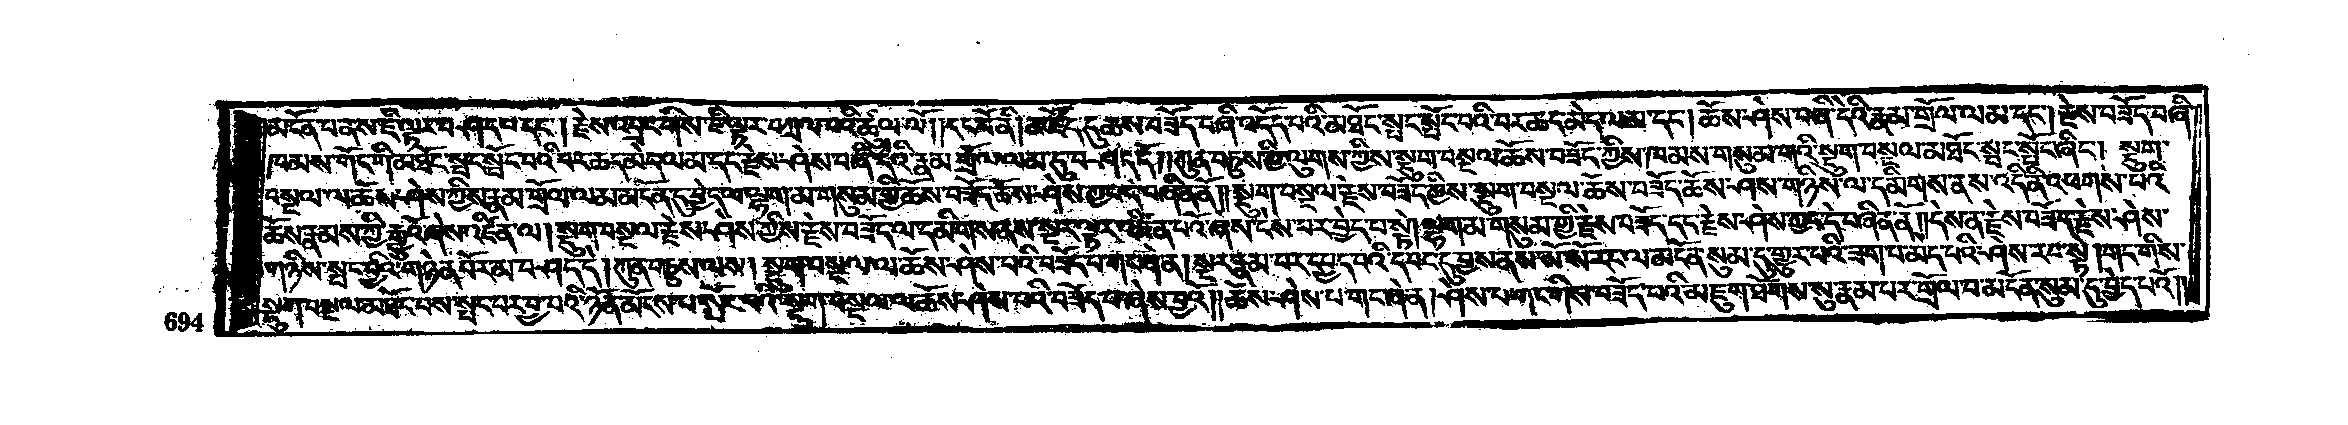མངོན་པ་ནས་ཇི་ལྟར་བཤད་པ་དང་། རྗེས་འབྲང་གིས་ཇི་ལྟར་བཀྲལ་བའི་ཚུལ་ལོ། །དང་པོ་ནི། མཛོད་དུ་ཆོས་བཟོད་བཞི་འདོད་པའི་མཐོང་སྤང་སྤོང་བའི་བར་ཆད་མེད་ལམ་དང་། ཆོས་ཤེས་བཞི་དེའི་རྣམ་གྲོལ་ལམ་དང་། རྗེས་བཟོད་བཞི་
ཁམས་གོང་གི་མཐོང་སྤང་སྤོང་བའི་བར་ཆད་མེད་ལམ་དང་རྗེས་ཤེས་བཞི་དེའི་རྣམ་གྲོལ་ལམ་དུ་བཤད་དོ། །ཀུན་བཏུས་ཀྱི་ལུགས་ཀྱིས་སྡུག་བསྔལ་ཆོས་བཟོད་ཀྱིས་ཁམས་གསུམ་གའི་སྡུག་བསྔལ་མཐོང་སྤང་སྤོང་ཞིང་། སྡུག་
བསྔལ་ལ་ཆོས་ཤེས་ཀྱིས་རྣམ་གྲོལ་ལམ་མངོན་དུ་བྱེད་ལ་ལྷག་མ་གསུམ་གྱི་ཆོས་བཟོད་ཆོས་ཤེས་ཀྱང་དེ་བཞིན་ནོ། །སྡུག་བསྔལ་རྗེས་བཟོད་ཀྱིས་སྡུག་བསྔལ་ཆོས་བཟོད་ཆོས་ཤེས་གཉིས་ལ་དམིགས་ནས་འདི་ནི་འཕགས་པའི་
ཆོས་རྣམས་ཀྱི་རྒྱུའོ་ཞེས་འཛིན་ལ། སྡུག་བསྔལ་རྗེས་ཤེས་ཀྱིས་རྗེས་བཟོད་ལ་དམིགས་ནས་སྔར་ལྟར་འཛིན་པའོ་ཞེས་ངེས་པར་བྱེད་པ་སྟེ། ལྷག་མ་གསུམ་གྱི་རྗེས་བཟོད་དང་རྗེས་ཤེས་ཀྱང་དེ་བཞིན་ནོ། །དེས་ན་རྗེས་བཟོད་རྗེས་ཤེས་
གཉིས་སྤང་བྱའི་གཉེན་པོར་མ་བཤད་དེ། ཀུན་བཏུས་ལས། སྡུག་བསྔལ་ལ་ཆོས་ཤེས་པའི་བཟོད་པ་གང་ཞེ་ན། སྔར་རྣམ་པར་དཔྱད་པའི་དབང་དུ་བྱས་ནས་སོ་སོ་རང་ལ་མངོན་སུམ་དུ་གྱུར་པའི་ཟག་པ་མེད་པའི་ཤེས་རབ་སྟེ། གང་གིས་
སྡུག་བསྔལ་མཐོང་བས་སྤང་པར་བྱ་བའི་ཉོན་མོངས་པ་སྤོང་བའི་སྡུག་བསྔལ་ལ་ཆོས་ཤེས་པའི་བཟོད་པ་ཞེས་བྱའོ། །ཆོས་ཤེས་པ་གང་ཞེ་ན། ཤེས་པ་གང་གིས་བཟོད་པའི་མཇུག་ཐོགས་སུ་རྣམ་པར་གྲོལ་བ་མངོན་སུམ་དུ་བྱེད་པའོ། །